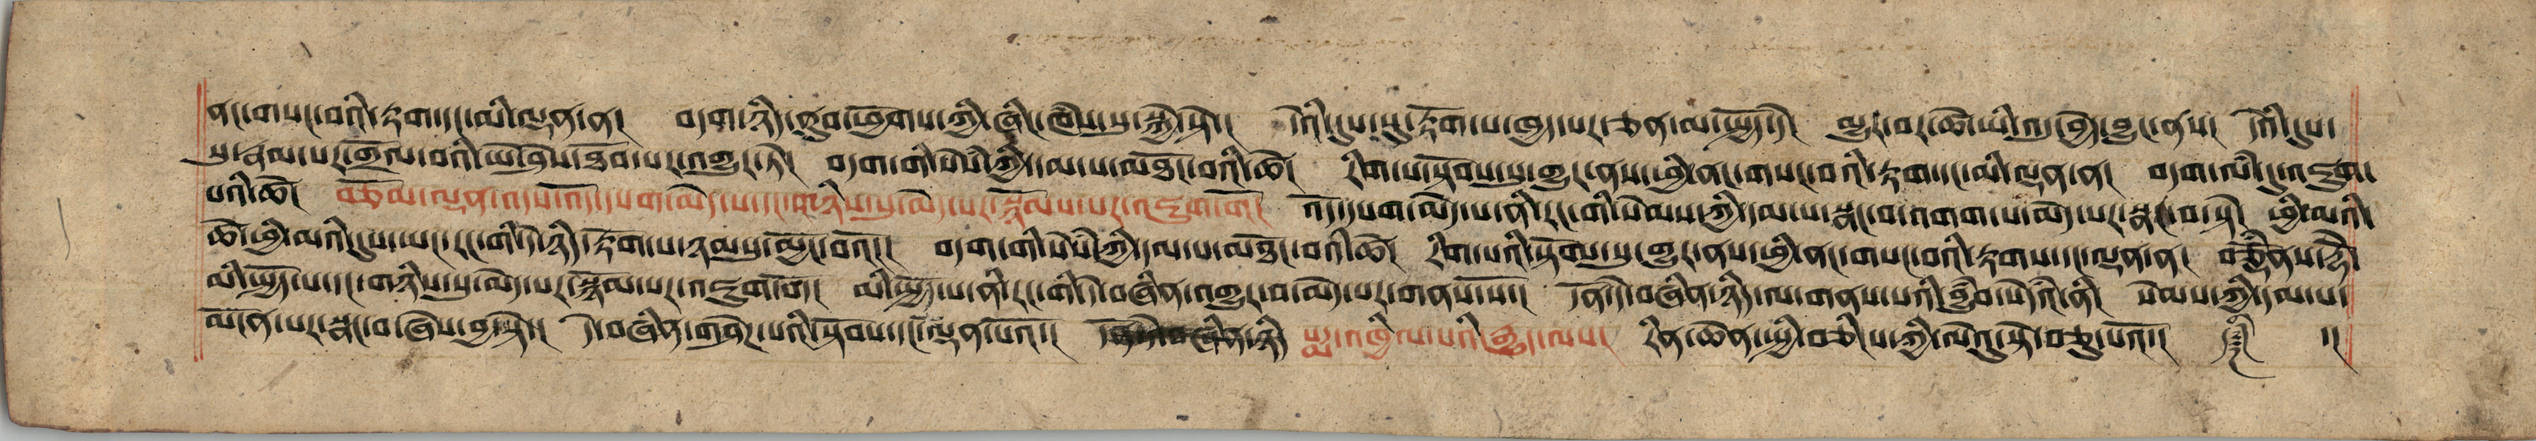ནང་གསང་བའི་རྟག་དང་མི་ལྡན་ན། བདག་ཉིད་ནུབ་ཕྱོགས་ཀྱི་ཞིང་ཁཾས་སུ་སྐྱེ་སྟེ་། དེའི་དུས་སུ་རྟོག་པ་ཁྱད་པར་ཅན་ལ་སྤྱོད་དེ། མྱུར་བར་ཚེ་ཡི་འདུ་བྱེད་བྱུང་ནས། དེའི་དུས་
སུ་རྣམ་པར་གྲོལ་བའི་ཡེ་ཤེས་ཐོབ་པར་འགྱུར་ཏེ། བདག་གི་སེཾས་ཀྱི་དམ་པ་མཐོང་བའི་ཚེ། རིག་པ་སྟོབས་སུ་གྱུར་ནས་ཕྱི་ནང་གསང་བའི་རྟག་དང་མི་ལྡན་ན། བདག་ལཾ་དུ་འཇུག་
པའི་ཚེ། བཅོམ་ལྡན་འདས་འོད་དཔག་མེད་པ་དང་གཉིས་སུ་མེད་པར་སྙོམས་པར་འཇུག་གོ། འོད་དཔག་མེད་པ་ནི་རང་གི་སེམས་ཀྱི་དམ་པ་སྣང་བ་འགག་པ་མེད་པར་སྣང་བ་སྟེ། ཕྱི་མའི་
ཚེ་ཕྱི་མའི་དུས་ཡང་རང་གི་དེ་ཉིད་རྟོག་པ་ཉམསུ་མྱོང་བའོ།། བདག་གི་སེཾས་ཀྱི་དམ་པ་མཐོང་བའི་ཚེ། རིག་པའི་སྟོབས་སུ་གྱུར་ནས་ཕྱི་ནང་གསང་བའི་རྟགས་དང་ལྡན་ན། བཅྟོཾནས་རྡོེ་
མི་སྤྱོད་པདང་གཉིས་སུ་མེད་པར་སྙོམ་པར་འཇུག་གོ། མི་སྤྱོད་པ་ནི་རང་གི་དེ་བཞིན་འགྱུར་བ་མེད་པར་གནས་སོ་། དོན་དེ་བཞིན་ཉིད་ལ་གནས་པའི་བྱུཾབ་སེཾདའ་ནི། སེམས་ཀྱི་དམ་པ་
མངོན་པར་སྣང་བ་ཞེས་བྱ་སྟེ་། དེ་བཞིན་གཤེཌ་པའི་སྟོབས་དང་ལྡན་པའོ་། དོན་དེ་བཞིན་ཉིད པདྨ་འཁྱིལ་པའི་རྒྱུད་ལས་། རིན་ཆེན་སྤྱི་བཅིངས་ཀྱི་ལེའུ་སྟེ་བཅུ་པའོ་། ༼༈ི༽ ་།